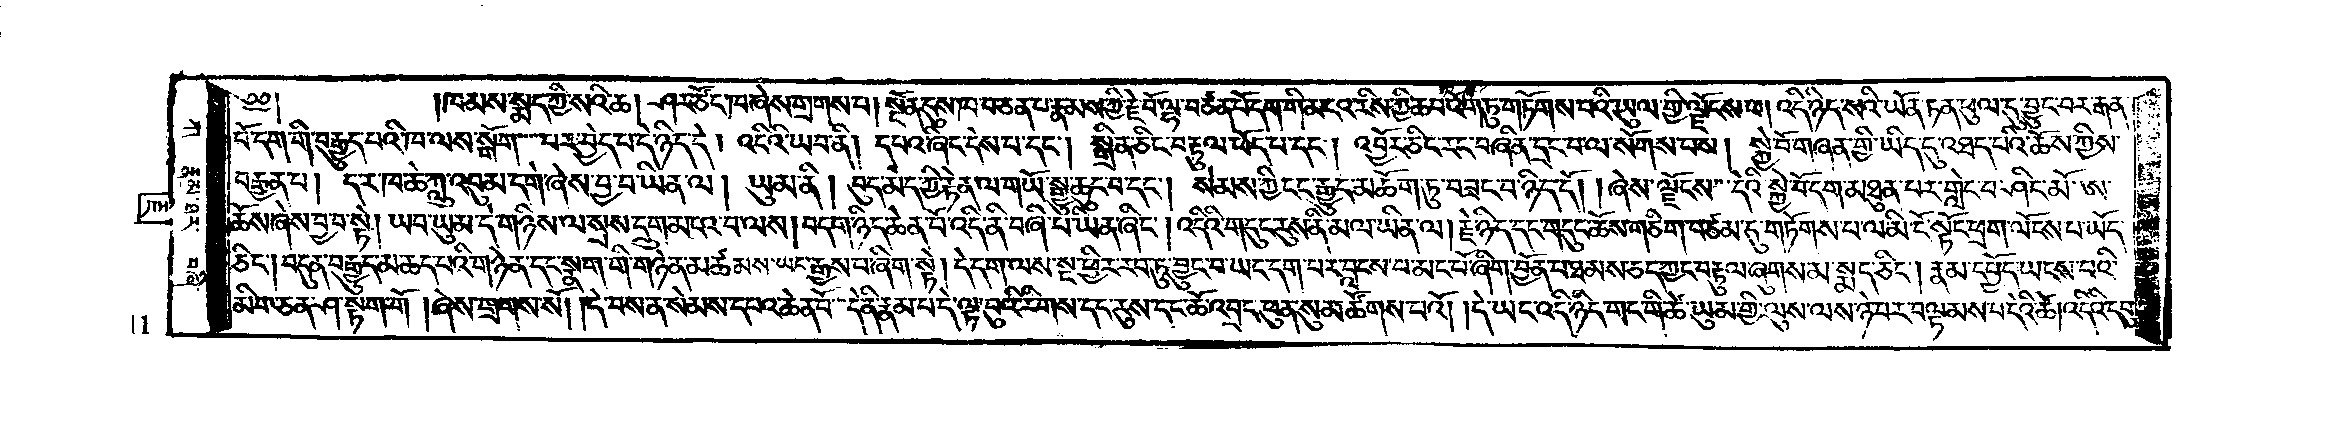༄༅། །ཁམས་སྨད་ཀྱི་སའི་ཆ། ཤར་ཙོང་ཁ་ཞེས་གྲགས་པ། སྔོན་དུས་ཁ་བ་ཅན་པ་རྣམས་ཀྱི་རྗེ་བོ་ལྷ་བཙན་པོ་དག་གི་མངའ་རིས་ཀྱི་ཆབ་འོག་ཏུ་གཏོགས་པའི་ཡུལ་གྱི་ལྗོངས་ལ། འདི་ཉིད་སའི་ཡོན་ཏན་ཕུལ་དུ་བྱུང་བར་རྒན་
པོ་དག་གི་བརྒྱུད་པའི་ཁ་ལས་སྒོག་པར་བྱེད་པ་དེ་ཉིད་དེ། འདིའི་ཡབ་ནི། དཔའ་ཞིང་དེས་པ་དང་། སྒྲིན་ཅིང་བརྟུལ་ཕོད་པ་དང་། འབྱོར་ཅིང་རང་བཞིན་དྲང་བ་ལ་སོགས་པས། སྐྱེ་བོ་གཞན་གྱི་ཡིད་དུ་འཐད་པའི་ཆོས་ཀྱིས་
བརྒྱན་པ། ད་ར་ཁ་ཆེ་ཀླུ་འབུམ་དགེ་ཞེས་བྱ་བ་ཡིན་ལ། ཡུམ་ནི། བུད་མེད་ཀྱི་རྟེན་ལ་གཡོ་སྒྱུ་ཆུང་བ་དང་། སེམས་ཀྱི་ངང་རྒྱུད་མཆོག་ཏུ་བཟང་བ་ཉིད་དོ། །ཞེས་ལྗོངས་དེའི་སྐྱེ་བོ་དག་མཐུན་པར་གླེང་བ་ཤིང་མོ་ཨ་
ཆོས་ཞེས་བྱ་བ་སྟེ། ཡབ་ཡུམ་དེ་གཉིས་ལ་སྲས་དྲུག་མངའ་བ་ལས། བདག་ཉིད་ཆེན་པོ་འདི་ནི་བཞི་པ་ཡིན་ཞིང་། འདིའི་གདུང་རུས་ནི་མལ་ཡིན་ལ། རྗེ་ཉིད་དང་གདུང་ཆོས་གཅིག་པ་ཙམ་དུ་གཏོགས་པ་ལ་མི་ངོ་སྟོང་ཕྲག་ལོངས་པ་ཡོད་
ཅིང་། བདུན་བརྒྱུད་མ་ཆད་པའི་གཉེན་དང་སྣག་གི་གཉེན་མཚམས་ཡང་རྒྱས་པ་ཞིག་སྟེ། དེ་དག་ལས་སྔ་ཕྱིར་རབ་ཏུ་བྱུང་བ་ཡང་དག་པར་བླངས་པ་མང་པོ་ཞིག་བྱོན་པ་ཐམས་ཅད་ཀྱང་བརྟུལ་ཞུགས་མ་སྨད་ཅིང་། རྣམ་དཔྱོད་ཡངས་པའི་
མིག་ཅན་ཤ་སྟག་གོ། །ཞེས་གྲགས་སོ། །དེ་བས་ན་སེམས་དཔའ་ཆེན་པོ་དེ་ནི་རྣམ་པ་དེ་ལྟ་བུའི་རིགས་དང་རུས་དང་ཆོ་འབྲང་ཕུན་སུམ་ཚོགས་པའོ། །དེ་ཡང་འདི་ཉིད་གང་གི་ཚེ་ཡུམ་གྱི་ལུས་ལས་ཉེ་བར་བལྟམས་པ་དེའི་ཚེ། འདིའི་དབུ་